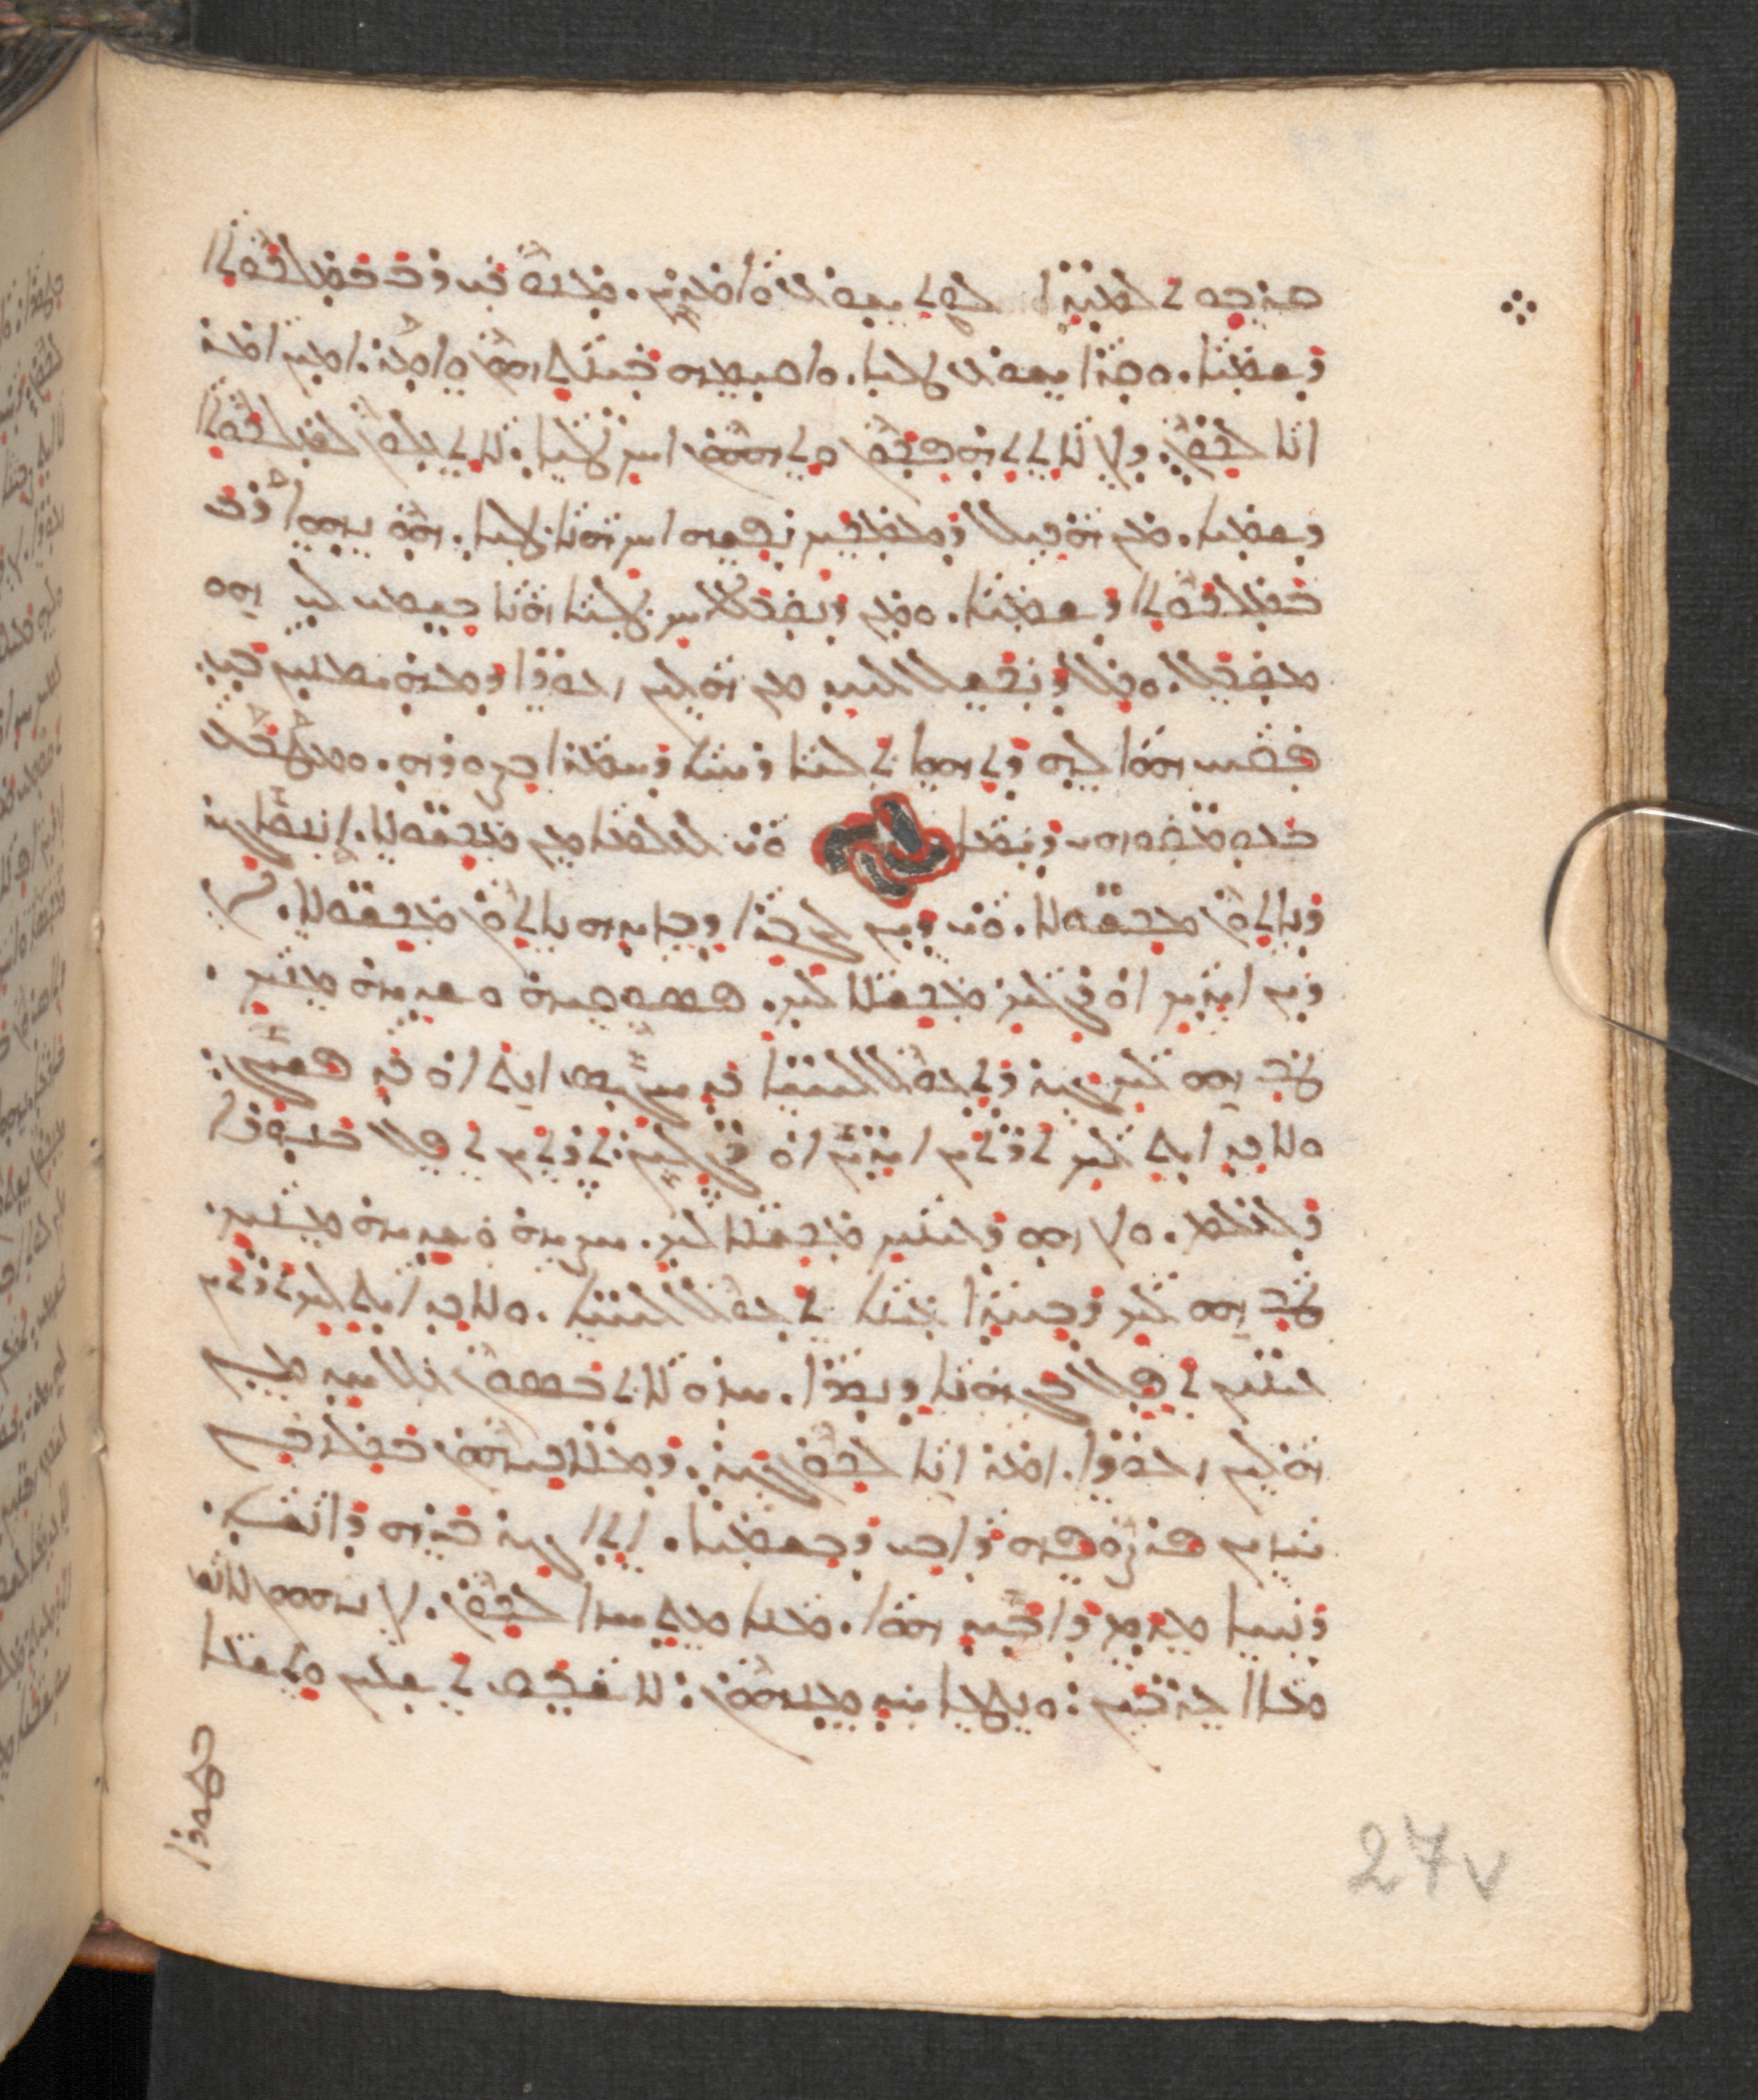ܩܪܒܘ ܬܠܡܝ̈ܕܐ ܠܘܬ ܝܥܫܘܥ ܘܐܡ̇ܪܝܢ. ܡܢܘ ܟܝ ܪܒ ܒܡܠܟܘܬܐ
ܕܫܡܝܐ. ܘܩ̣ܪܐ ܝܫܘܥ ܛܠܝܐ܆ ܘܐܩܝܡܗ ܒܝܢܬܗܘܢ ܘܐܡ̣ܪ. ܐܡܝܢ ܐܡ̇ܪ
ܐܢܐ ܠܟܘܢ܆ ܕܐܢ ܠܐ ܬܬܗܦܟܘܢ ܘܬܗܗܘܢ ܐܝܟ ܛܠܝܐ܆ ܠܐ ܬܥܠܘܢ ܠܡܠܟܘܬܐ
ܕܫܡܝܐ. ܡ̇ܢ ܗܟܝܠ ܕܡܡܟܟ ܢܦܫܗ ܐܝܟ ܗܢܐ ܛܠܝܐ܆ ܗ̣ܘ ܢܗܘܐ ܪܒ
ܒܡܠܟܘܬܐ ܕܫܡܝܐ. ܘܡܢ ܕܢܩܒܠ ܐܝܟ ܛܠܝܐ ܗܢܐ ܒܫܡܝ ܠܝ ܗܘ
ܡܩܒܠ. ܘܟܠ ܕܢܟܫܠ ܠܚܕ ܡܢ ܗܠܝܢ ܙܥܘܪ̈ܐ ܕܡܗܝܡܢܝܢ ܒܝ܆
ܦܩܚ ܗܘܐ ܠܗ ܕܬܗܘܐ ܬܠܝܐ ܪܝܚܐ ܕܚܡܪܐ ܒܨܘܪܗ܆ ܘܡܛܒܥ
ܒܥܘܡ̈ܩܘܗܝ ܕܝܡܐ ܀ ܘ̇ܝ ܠܥܠܡܐ ܡܢ ܡܟܫ̈ܘܠܐ. ܐܢܢܩܐ ܓܝܪ
ܕܢܐܬܘܢ ܡܟܫ̈ܘܠܐ. ܘ̇ܝ ܕܝܢ ܠܓܒܪܐ ܕܒܐܝܕ ܗܢܐܬܘܢ ܡܟܫ̈ܘܠܐ. ܐܢ
ܕܝܢ ܐܝܕܟ ܐܘ ܪܓܠܟ ܡܟܫܠܐ ܠܟ. ܦܣܘܩܝܗ̇ ܘܫܕܝܗ̇ ܡܢܟ
ܛܒ ܗܘ ܠܟ ܓܝܪ ܕܬܥܘܠ ܠܚܝ̈ܐ ܟܕ ܚܓܝܣ ܐܢܬ ܐܘ ܟܕ ܦܫܝܓ܆
ܘܠܐ ܟܕ ܐܝܬ ܠܟ ܬܪ̈ܬܝܢ ܐܝ̈ܕܝܢ ܐܘ ܪ̈ܓܠܝܢ: ܬܪܬܝܢ ܬܦܠ ܒܢܘܪܐ
ܕܠܥܠܡ. ܘܐܢ ܗܘ ܕܥܝܢܟ ܡܟܫܟܐ ܠܟ. ܝܨܝܗ̇ ܘܫܕܝܗ̇ ܡܢܟ
ܛܒ ܗܘ ܠܟ ܕܒܚܕܐ ܥܝܢܐ ܬܥܘܠ ܠܚܝ̈ܐ. ܘܠܐ ܟܕ ܐܝܬ ܠܟ ܬܪ̈ܬܝܢ
ܥܝܢ̈ܝܢ ܬܦ̣ܠ ܒܓܗܢܐ ܕܢܘܪܐ. ܚܙܘ ܠܐ ܬܒܣܘܢ ܥܠ ܚܕ ܡ̣ܢ
ܗܠܝܢ ܙܥܘ̈ܪܐ. ܐܡ̇ܪ ܐܢܐ ܠܟܘܢ ܓܝܪ܆ ܕܡܠܐ̈ܟܝܗܘܢ ܒܟܠܙܒܢ
ܚܙܝܢ ܦܪܨܘܦܗ ܕܐܒܝ ܕܒܫܡܝܐ. ܐܬ̣ܐ ܓܝܪ ܒܪܗ ܕܐܢܫܐ.
ܕܢܚܐ ܡܕܡ ܕܐܒܝܕ ܗܘܐ. ܡܢܐ ܡܬܚܙܐ ܠܟܘܢ܇ ܐܢ ܢܗܘܘܢ ܠܐܢܫ
ܡܐܐ ܥܪ̈ܒܝܢ: ܘܢܛܐ ܚܕ ܡܢܗܘܢ܆ ܠܐ ܫܒܩ ܬܫܥܝܢ ܘܬܫܥܐ
܀
ܒܛܘܪܐ
27v